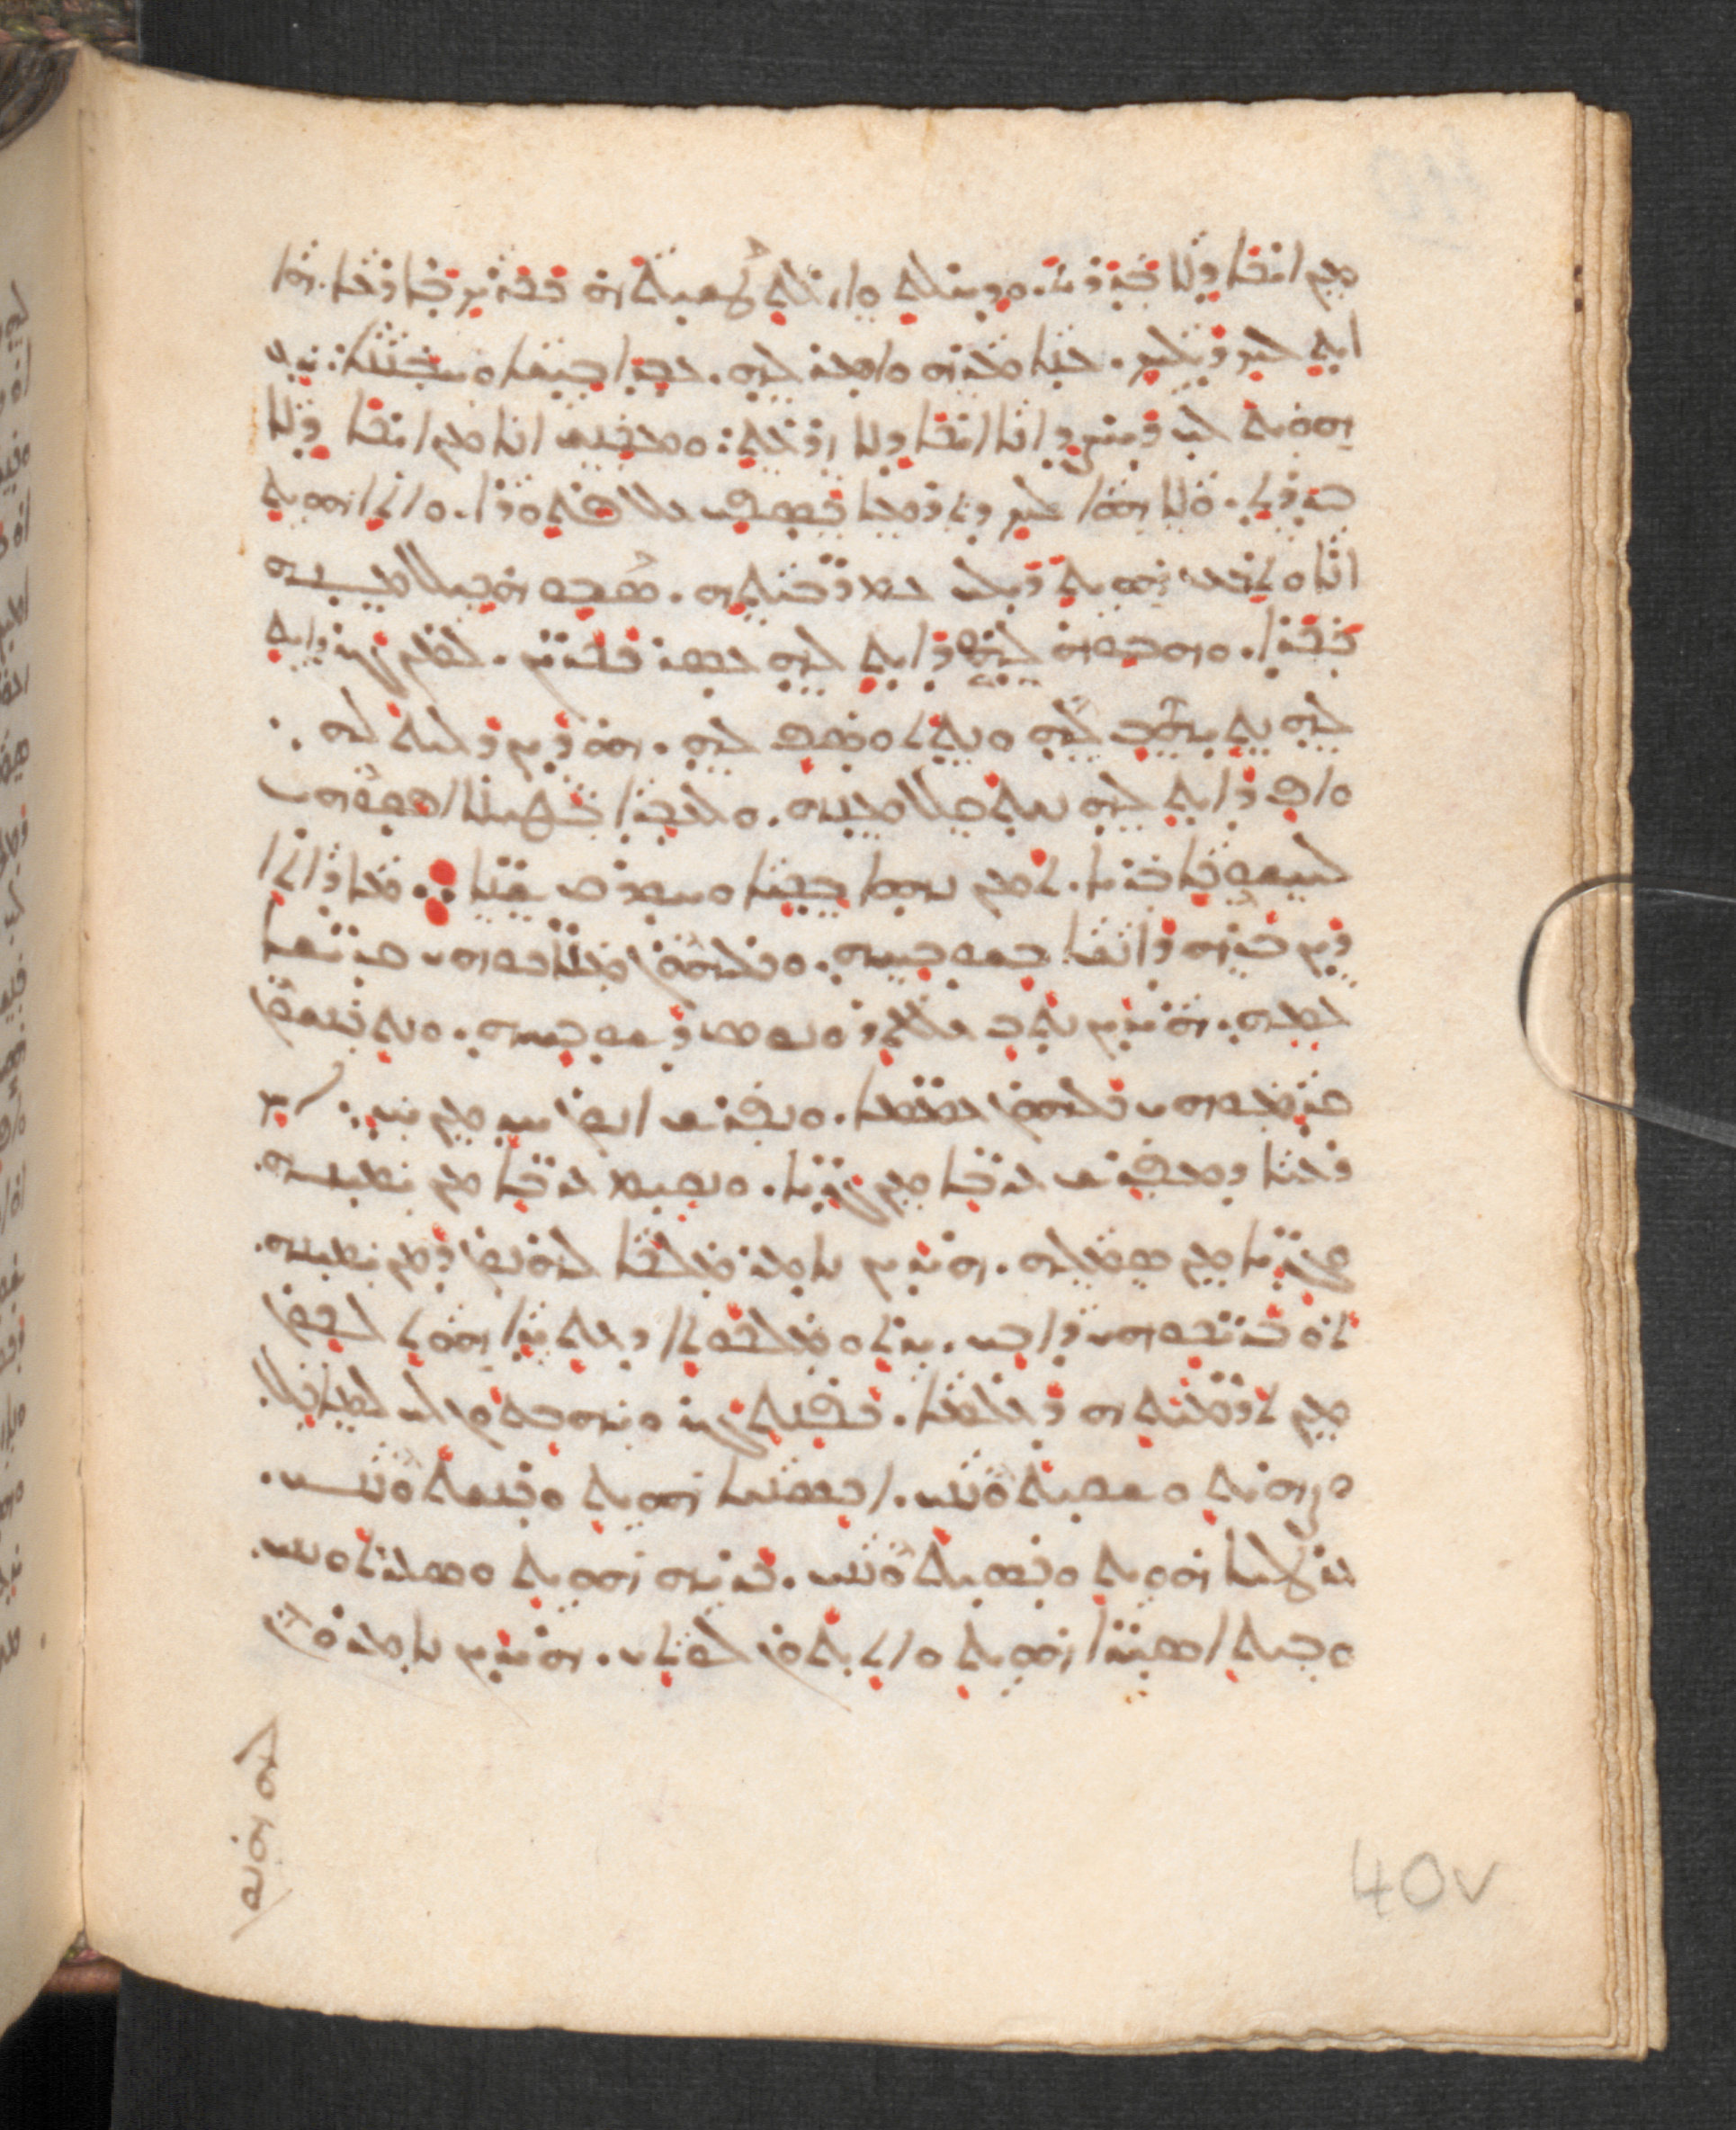ܡܢ ܐܝܟܐ ܕܠܐ ܒܕܪܬ: ܘܕܚܠܬ ܘܐܙܠܬ ܛܫܝܬܗ̇ ܟܟܪܟ ܒܐܪܥܐ ܗܐ
ܐܝܬ ܠܟ ܕܝܠܟ. ܥܢ̣ܐ ܡܪܗ ܘܐܡ̣ܪ ܠܗ. ܥܒܕܐ ܒܝܫܐ ܘܚܒܢܢܐ: ܝ̇ܕܥ
ܗܘܝܬ ܠܝ ܕܚ̇ܨܕ ܐܢܐ ܐܝܟܐ ܕܠܐ ܙܪܥܬ: ܘܡܟܢܫ ܐܢܐ ܡܢ ܐܝܟܐ ܕܠܐ
ܒܕܪܬ. ܘܠܐ ܗܘܐ ܠܟ ܕܬܪܡܐ ܟܣܦܝ ܥܠ ܦܬܘܪܐ. ܘܐܬܐ ܗܘܝܬ
ܐܢܐ ܘܬܒ̇ܥ ܗܘܝܬ ܕܝܠܝ ܥܡ ܪܒܝܬܗ. ܣܒܘ ܗܟܝܠ ܡܢܗ
ܟܒܪܐ. ܘܗܒܘܗ̇ ܠܗ̇ܘ ܕܐܝܬ ܠܗ ܥܣ̣ܪ ܟܟܪ̈ܝܢ. ܠܡ̇ܢ ܓܝܪ:
ܠܗ ܢܬܝܗܒ ܠܗ ܘܢܬܬܘܣܦ ܠܗ. ܗ̇ܘ ܕܝܢ ܕܠܝܬ ܠܗ܆
ܘܐܦ ܕܐܝܬ ܠܗ ܢܫܬܩܠ ܡܢܗ. ܘܠܥܒܕܐ ܒܛܝܠܐ ܐܦܩܘܗܝ
ܠܚܫܘܟܐ ܒܪܝܐ. ܬܡܢ ܢܗܘܐ ܒܟܝܐ ܘܚܘܪܩ ܫܢ̈ܐ܀ ܡܐ ܕܐܬܐ
ܕܝܢ ܒܪܗ ܕܐܢܫܐ ܒܫܘܒܚܗ. ܘܟܠܗܘܢ ܡܠܐ̈ܟܘܗܝ ܩܕܝ̈ܫܐ
ܥܡܗ. ܗܝܕܝܢ ܝܬܒ ܥܠ ܬܪܢܘܣ ܕܫܘܒܚܗ܆ ܘܢܬܟܢܫܘܢ
ܩܕܡܘܗܝ ܟܠܗܘܢ ܥܡ̈ܡܐ. ܘܢܦܪܫ ܐܢܘܢ ܚܕ ܡܢ ܚܕ ܐܝܟ
ܪܥܝܐ ܕܡܦܪܫ ܥܪ̈ܒܐ ܡܢ ܓܕܝ̈ܐ. ܘܢܩܝ̣ܡ ܥܪ̈ܒܐ ܡܢ ܝܡܝܢܗ
ܘܓܕܝ̈ܐ ܡܢ ܣܡܠܗ. ܗܝܕܝܢ ܢܐܡ̣ܪ ܡܠܟܐ ܠܗܢܘܢ ܕܡܢ ܝܡܝܢܗ.
ܬܘ ܒܪ̈ܝܟܘܗܝ ܕܐܒܝ ܝܪܬܘ ܡܠܟܘܬܐ ܕܥܬܝܕܐ ܗܘܬ ܠܟܘܢ
ܡܢ ܬܪ̈ܡܝܬܗ ܕܥܠܡܐ. ܟܦܢܬ ܓܝܪ ܘܝܗܒܬܘܢ ܠܝ ܠܡܐܟܠ
ܘܨܗܝܬ ܘܫܩܝܬܘܢܢܝ. ܐܟܣܢܝܐ ܗܘܝܬ ܘܟܢܫܬܘܢܢܝ.
ܥܪܛܠܝܐ ܗܘܝܬ ܘܟܣܝܬܘܢܢܝ. ܟܪܝܗ ܗܘܝܬ ܘܣܥܪܬܘܢܢܝ
ܘܒܝܬ ܐܣܝܪ̈ܐ ܗܘܝܬ ܘܐܬܝܬܘܢ ܠܘܬܝ. ܗܝܕܝܢ ܢܐ̣ܡܪ
ܠܗ ܗܢܘܢ
40v